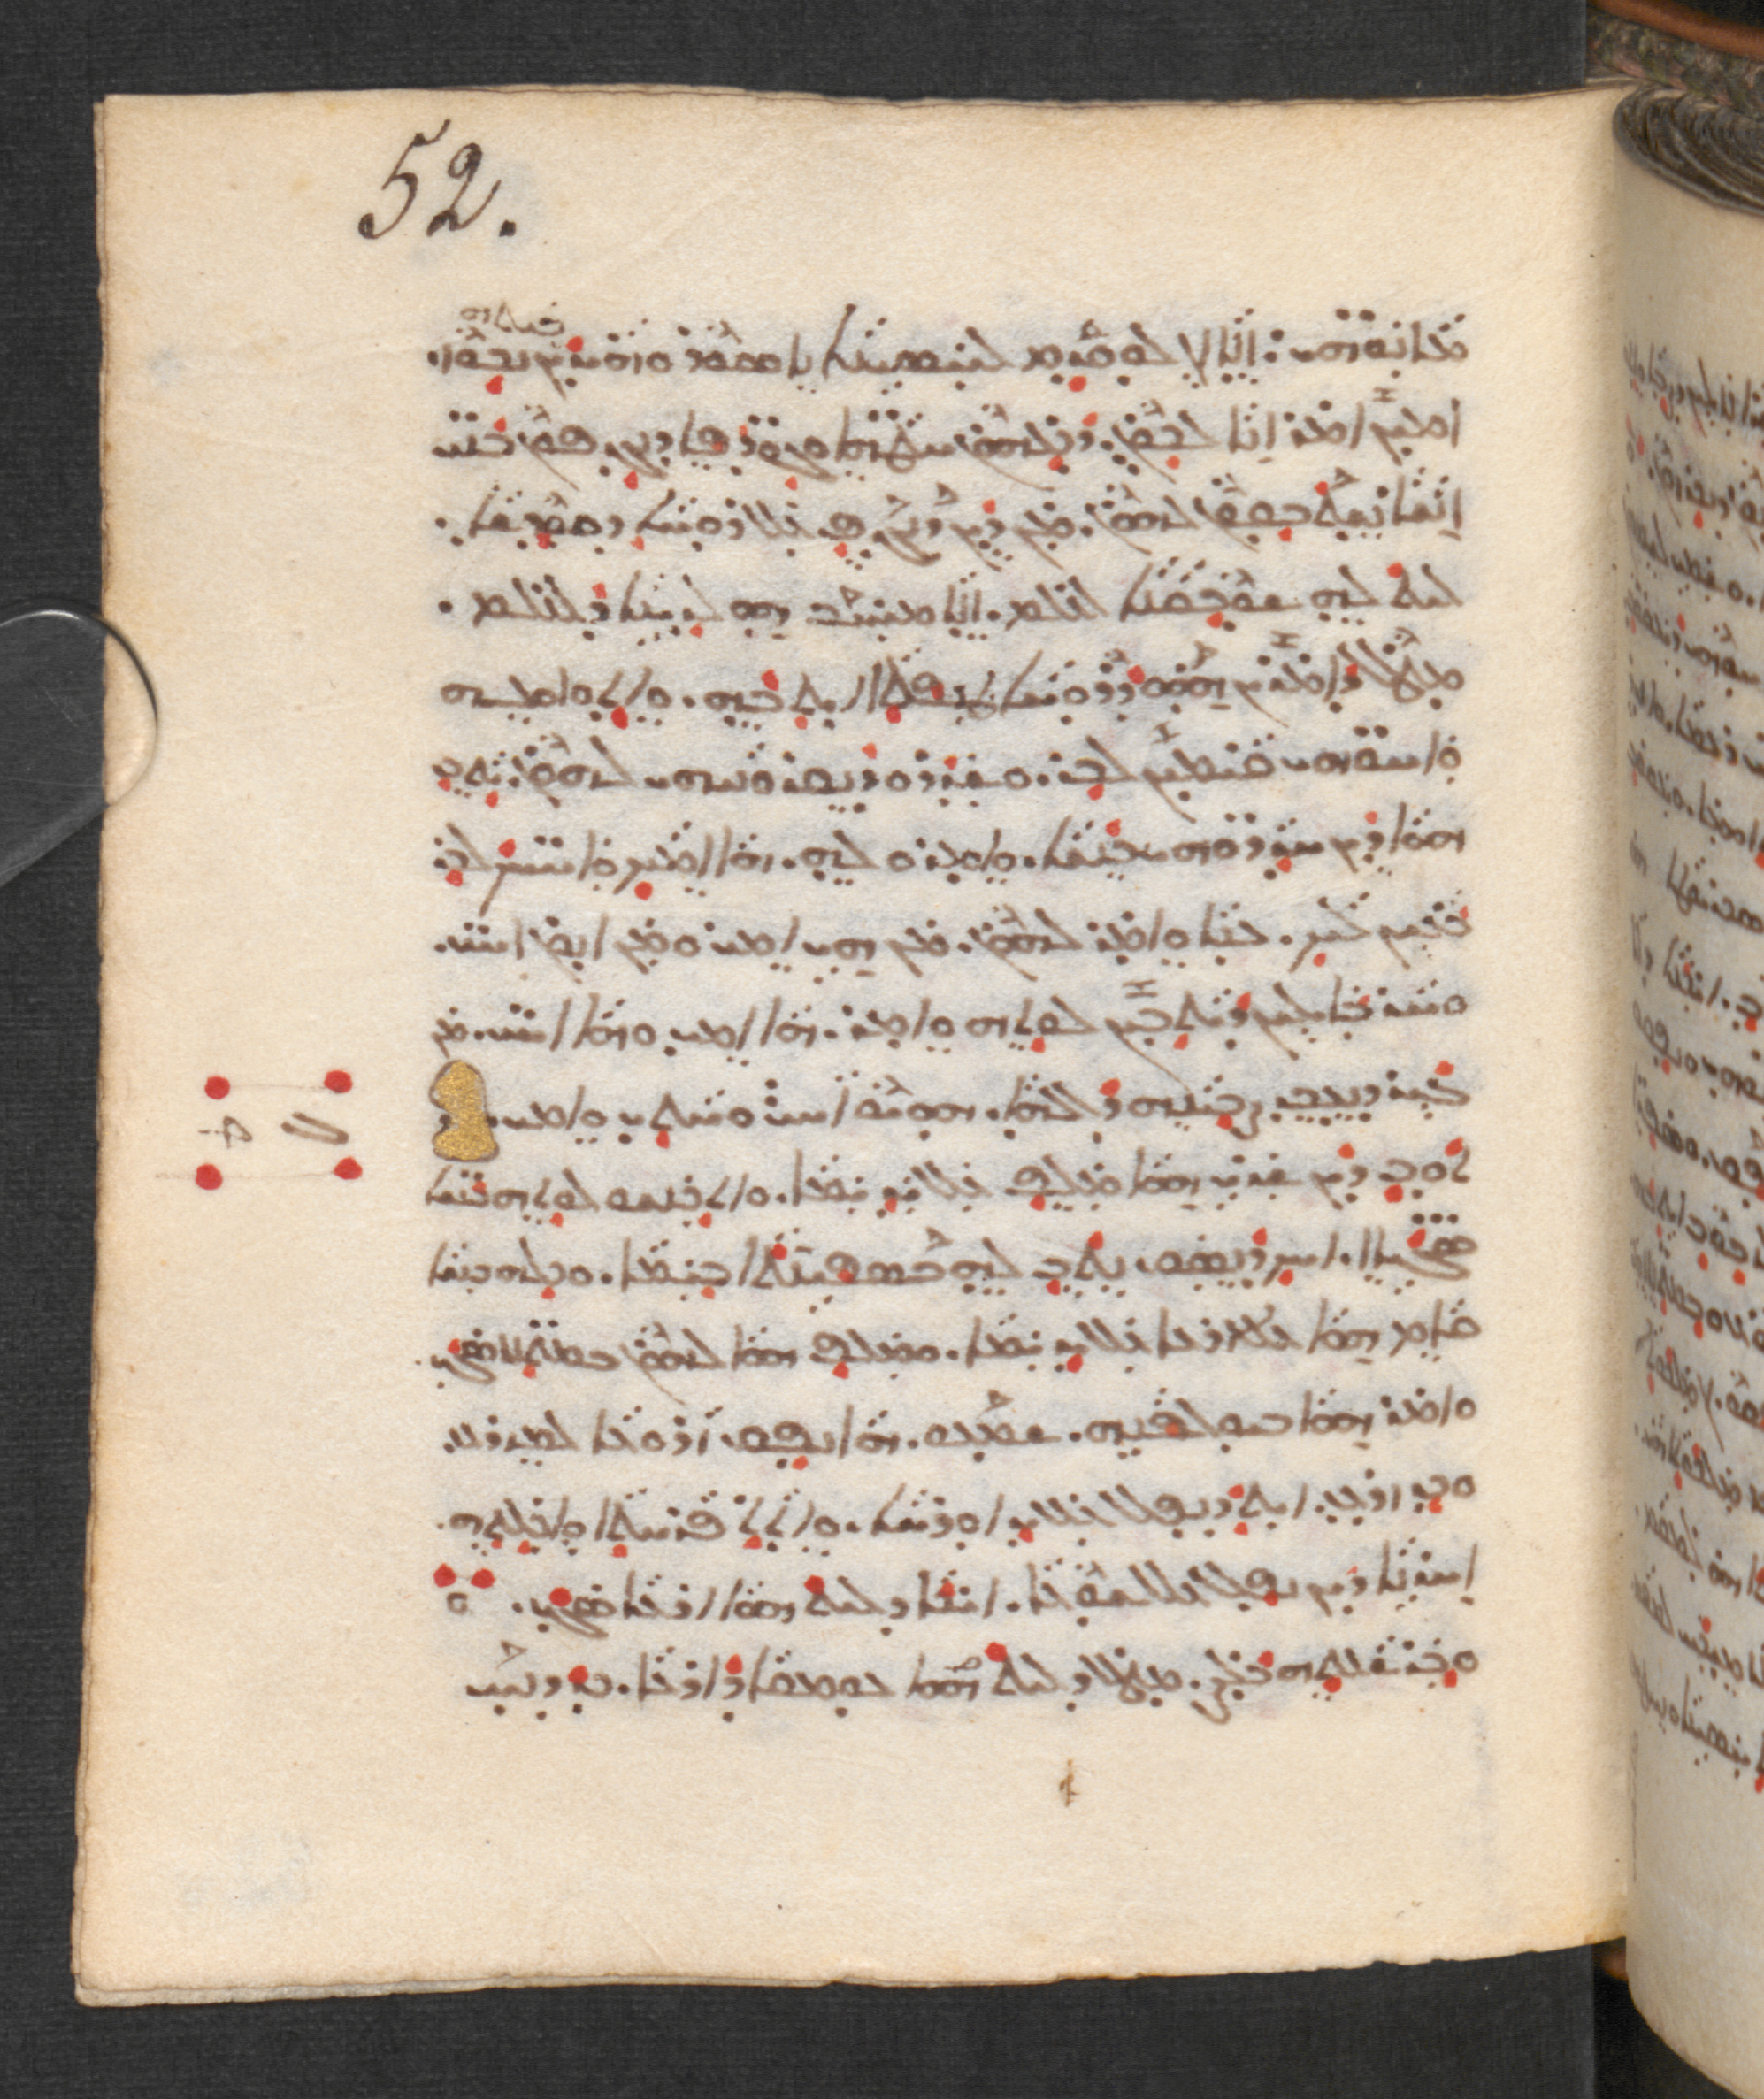ܡܐܢܘ̈ܗܝ: ܐܠܐ ܐܢ ܠܘܩܕܡ ܠܚܣܝܢܐ ܢܐܣܘܪ ܘܗܝܕܝܢ ܢܒܘܙ܆
ܐܡܝܢ ܐܡ̇ܪ ܐܢܐ ܠܟܘܢ܆ ܕܟܠܗܘܢ ܚܛܗ̈ܐ ܘܓܘ̈ܕܦܐ ܕܢܓܕܦܘܢ ܒܢ̈ܝ
ܐܢܫܐ ܢܫܬܒܩܘܢ ܠܗܘܢ܆ ܡܢ ܕܝܢ ܕܢܓܕܦ ܥܠ ܪܘܚܐ ܕܩܘܕܫܐ܆
ܠܝܬ ܠܗ ܫܘܒܩܢܐ ܠܥܠܡ. ܐܠܐ ܡܚܝܒ ܗ̣ܘ ܠܕܝܢܐ ܕܠܥܠܡ.
ܡܛܠ ܕܐܡ̇ܪܝܢ ܗܘܘ ܕܪܘܚܐ ܛܢܦܬܐ ܐܝܬ ܒܗ. ܘܐܬܘ ܐܡܗ
ܘܐܚܘ̈ܗܝ ܩܝܡܝܢ ܠܒܪ. ܘܫܕܪܘ ܕܢܩܪܘܢܝܗܝ ܠܗܘܢ܆ ܝܬܒ
ܗܘܐ ܕܝܢ ܚܕܪ̈ܘܗܝ ܟܢ̈ܫܐ. ܘܐܡ̣ܪܘ ܠܗ. ܗܐ ܐܡܟ ܘܐܚ̈ܝܟ ܠܒܪ
ܒ̇ܥܝܢ ܠܝܟ. ܥܢ̣ܐ ܘܐܡܪ ܠܗܘܢ܆ ܡ̇ܢ ܗܝ ܐܡܝ ܘܡ̇ܢ ܐܢܘܢ ܐܚ̈ܝ.
ܘܚܪ ܒܐܝܠܝܢ ܕܝܬܒܝܢ ܠܘܬܗ ܘܐܡ̣ܪ. ܗܐ ܐܡܝ ܘܗܐ ܐܚ̈ܝ. ܡ̇ܢ
ܓܝܪ ܕܢܥܒܕ ܨܒܝܢܗ ܕܐܠܗܐ܆ ܗܘܝܘ ܐܚ̈ܝ ܘܚܬܝ ܘܐܡܝ ܀
ܬܘܒ ܕܝܢ ܫܪܝ ܗܘܐ ܡܠܦ ܥܠ ܝܕ ܝܡܐ. ܘܐܬܟܢܫܘ ܠܘܬܗ ܟܢ̈ܫܐ
ܣ̈ܓܝܐܐ. ܐܝܟ ܕܢܣ̣ܩ ܢܬܒ ܠܗ ܒܣܦܝܢܬܐ ܒܝܡܐ. ܘܟܠܗ ܟܢܫܐ
ܩܐܡ ܗܘܐ ܥܠ ܐܪܥܐ ܥܠ ܝܕ ܝܡܐ. ܘܡܠܦ ܗܘܐ ܠܗܘܢ ܒܡܬ̈ܠܐ ܣܓܝ
ܘܐܡ̇ܪ ܗܘܐ ܒܝܘܠܦܢܗ. ܫܡ̣ܥܘ. ܗܐ ܢܦ̣ܩ ܙܪܘܥܐ ܠܡܙܪܥ
ܘܟܕ ܙܪܥ܆ ܐܝܬ ܕܢܦ̣ܠ ܥܠܝ ܐܘܪܚܐ. ܘܐܬܬ݀ ܦܪܚܬܐ ܘܐܟܠܬܗ.
ܐܚܪܢܐ ܕܝܢ ܢܦ̣ܠ ܥܠ ܫܘܥܐ. ܐܝܟܐ ܕܠܝܬ ܗܘܐ ܐܪܥܐ ܣ̇ܓܝ. ܏ܘ
ܘܒܪ ܫܠܬܗ ܒܠܨ. ܡܛܠ ܕܠܝܬ ܗܘܐ ܥܘܡܩܐ ܕܐܪܥܐ. ܟܕ ܕܢ̣ܚ
52.
ܒܝܬܗ
ܓ
4